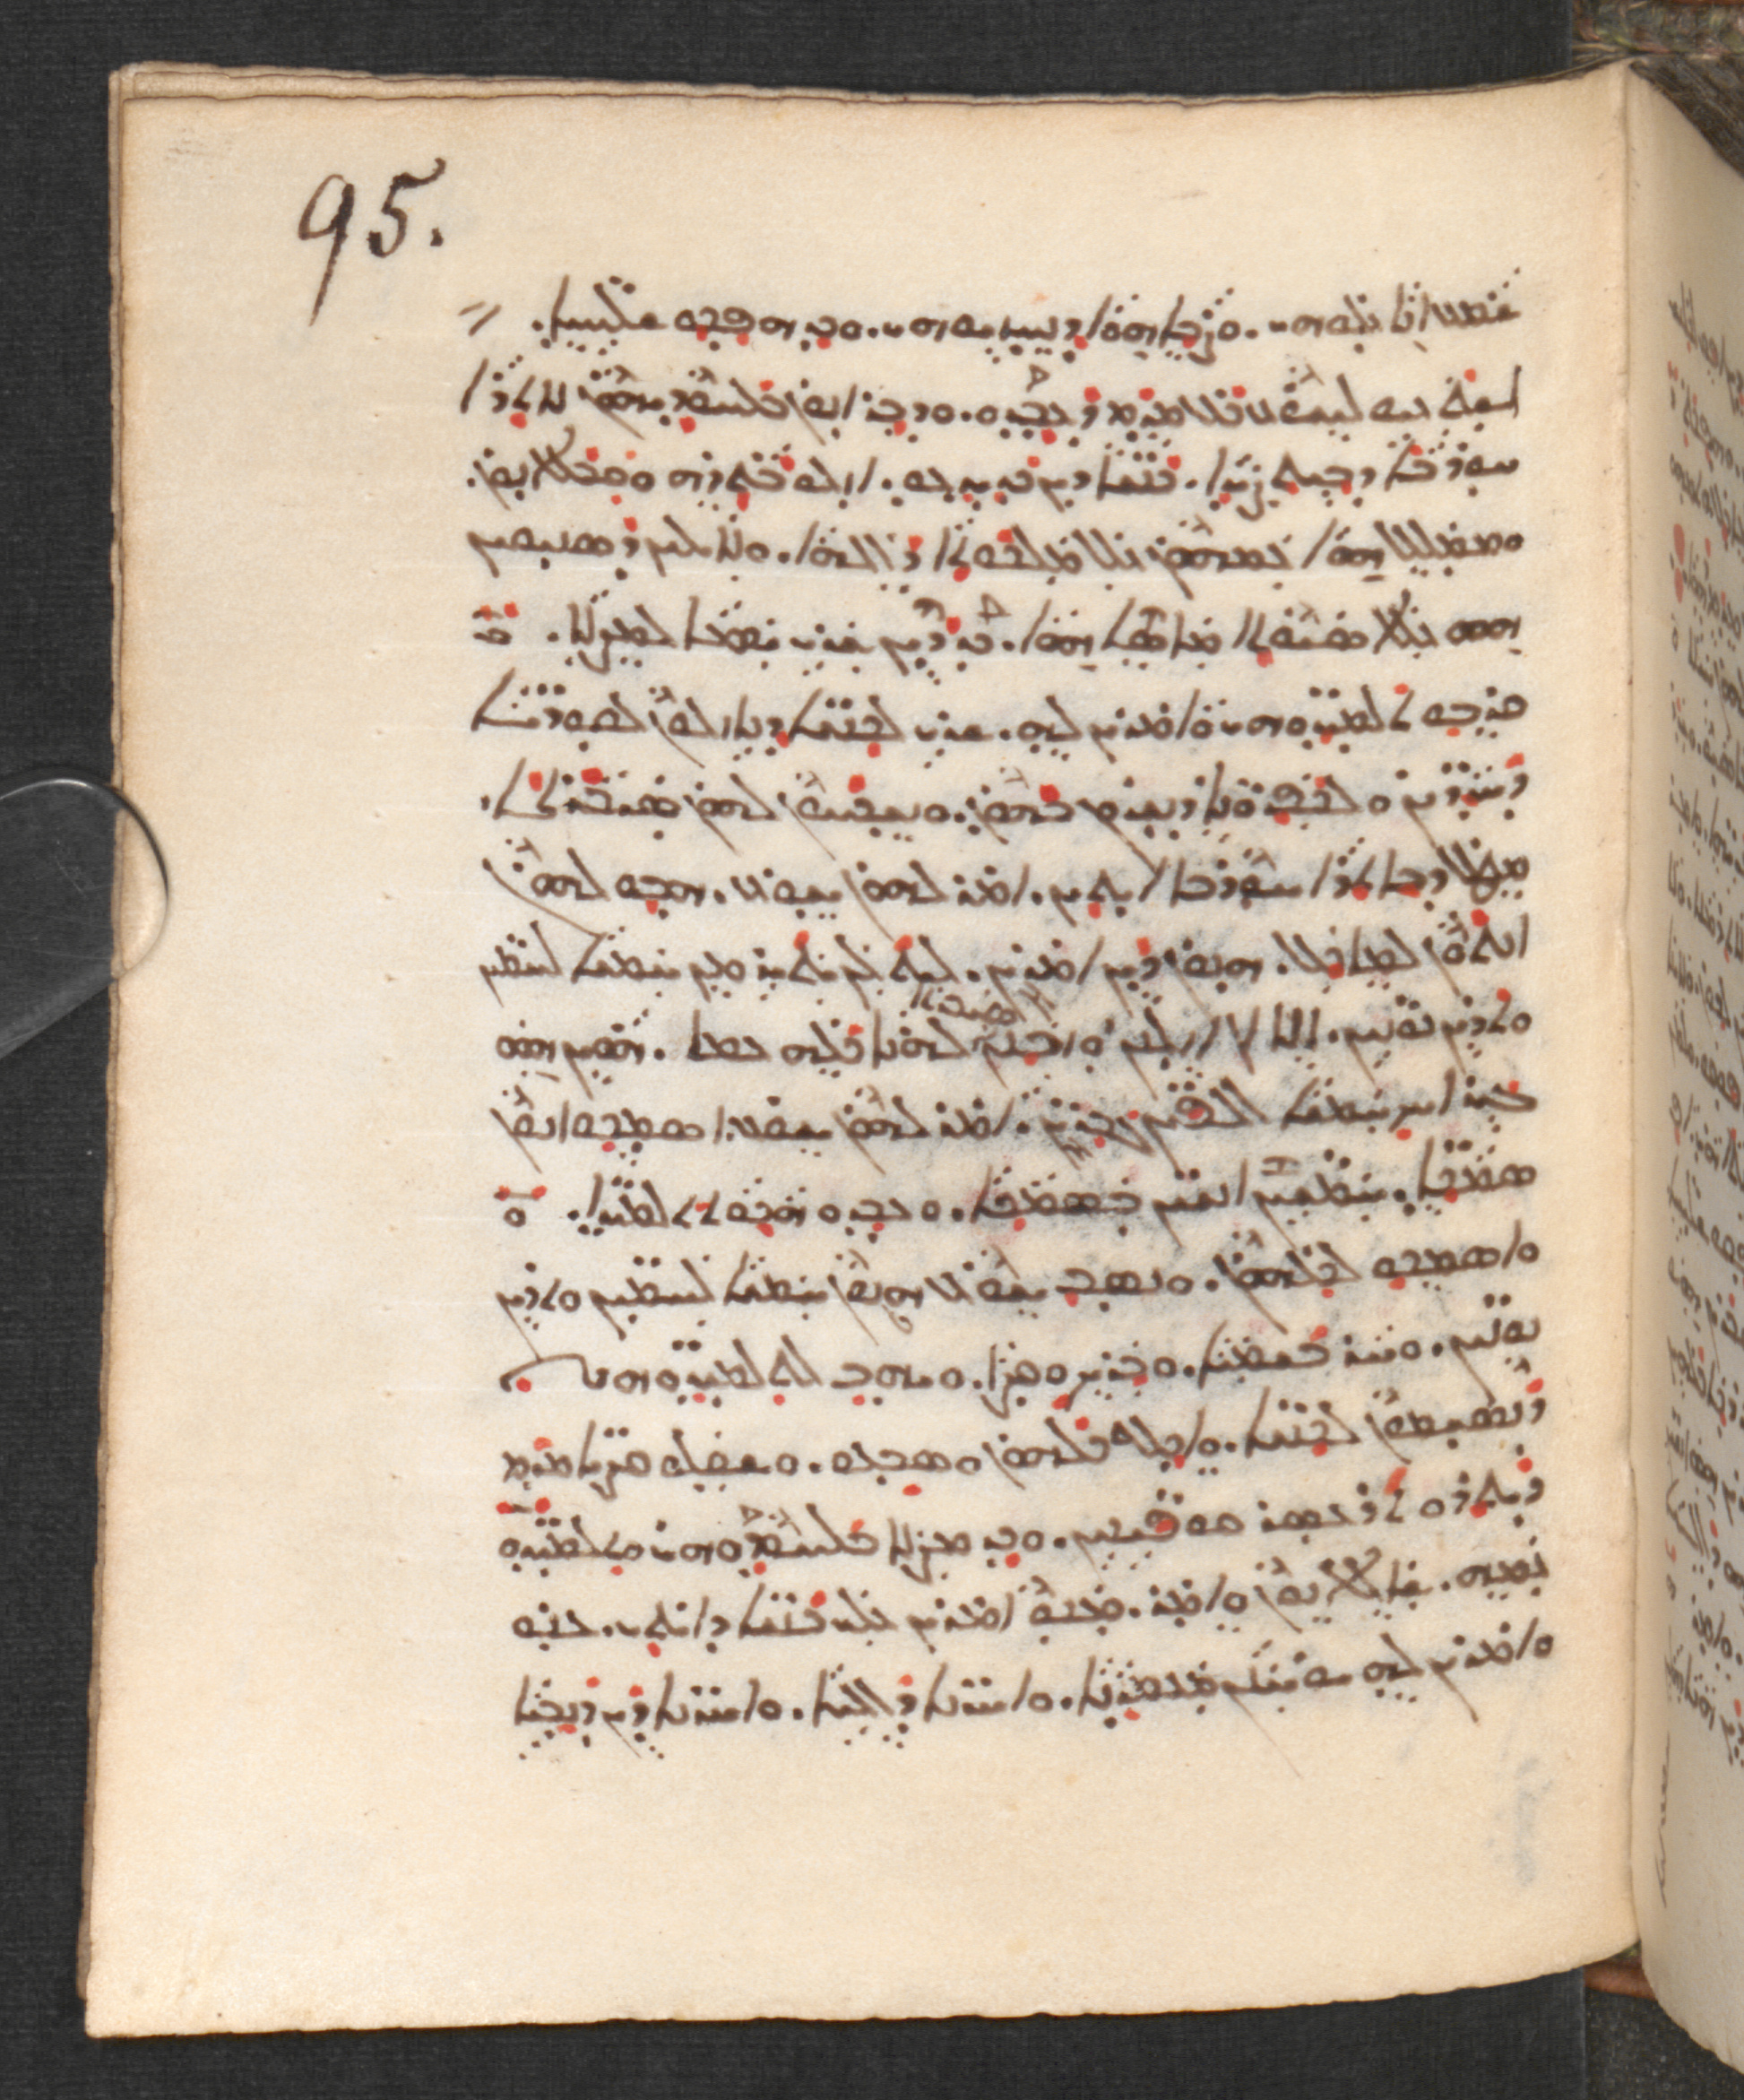ܫ̇ܡܥ ܬܢܐ ܥܠܘܗܝ. ܘܨ̇ܒܐ ܗܘܐ ܕܢܚܙܝܘܗܝ. ܘܟܕ ܗܦܟܘ ܫܠܝ̈ܚܐ܆
ܐܫ̣ܬܥܝܘ ܠܝܫܘܥ ܟܠ ܡܕܡ ܕܥܒ̣ܕܘ. ܘܕܒ̣ܪ ܐܢܘܢ ܒܠܚܘܕܝܗܘܢ ܠܐܬܪܐ
ܚܘܪܒܐ ܕܒܝܬ ܨܝܕܐ. ܟܢ̈ܫܐ ܕܝܢ ܟܕ ܝܕܥܘ܆ ܐܙ̣ܠܘ ܒܬܪܗ ܘܩܒܠ ܐܢܘܢ܇
ܘܡܡ̣ܠܠ ܗܘܐ ܥܡܗܘܢ ܥܠ ܡܠܟܘܬܐ ܕܐܠܗܐ. ܘܠܐܝܠܝܢ ܕܣܢܝܩܝܢ
ܗܘܘ ܥܠ ܐܣܝܘܬܐ ܡܐܣܐ ܗܘܐ. ܟܕ ܕܝܢ ܫܪܝ ܝܘܡܐ ܠܡܨܠܐ. ܏ܩ
ܩܪܒܘ ܬܠܡܝ̈ܕܘܗܝ ܘܐܡ̇ܪܝܢ ܠܗ. ܫܪܝ ܠܟܢ̈ܫܐ ܕܢܐܙܠܘܢ ܠܩܘܪ̈ܝܐ
ܕܚܕܪܝܢ ܘܠܟܦܪ̈ܘܢܐ ܕܢܫܪܘܢ ܒܗܘܢ܆ ܘܢܫܟܚܘܢ ܠܗܘܢ ܣܝܒܪܬܐ.
ܡܛܠ ܕܒܐܬܪܐ ܚܘܪܒܐ ܐܝܬܝܢ. ܐܡ̇ܪ ܠܗܘܢ ܝܫܘܥ. ܗܒܘ ܠܗܘܢ
ܐܢܬܘܢ ܠܡܐܟܠ. ܗ̣ܢܘܢ ܕܝܢ ܐܡ̇ܪܝܢ. ܠܝܬ ܠܢ ܝܬܝܪ ܡ̣ܢ ܚܡܫܐ ܠܚܡ̈ܝܢ
ܘܬܪ̈ܝܢ ܢܘܢ̈ܝܢ. ܐܠܐ ܐܢ ܐܙܠܢܢ ܘܙܒܢܢ ܣܝܒܪܬܐ ܠܗܢܐ ܟܠܗ ܥܡܐ. ܗܘܝܢ ܗܘܘ
ܓܝܪ ܐܝܟ ܚܡܫܐ ܐܠܦܝ̈ܢ ܓܒܪ̈ܝܢ: ܐܡ̇ܪ ܠܗܘܢ ܝܫܘܥ. ܐܣܡ̣ܟܘ ܐܢܘܢ
ܣ̈ܡܟܐ܆ ܚܡܫܝܢ ܐܢܫܝ̈ܢ ܒܣܡܟܐ. ܘܥܒ̣ܕܘ ܗܟܘܬ ܬܠܡܝ̈ܕܐ܆ ܏ܘ
ܘܐܣܡܟܘ ܠܟܠܗܘܢ. ܘܢܣ̣ܒ ܝܫܘܥ ܗܢܘܢ ܚܡܫܐ ܠܚ̈ܡܝܢ ܘܬܪ̈ܝܢ
ܢܘܢ̈ܝܢ. ܘܚܪ ܒܫܡܝܐ. ܘܒ̣ܪܟ ܘܩ̣ܨܐ. ܘܝܗ̣ܒ ܠܬܠܡܝ̈ܕܘܗܝ
ܕܢܣܝܡܘܢ ܠܟܢ̈ܫܐ. ܘܐܟ̣ܠܘ ܟܠܗܘܢ ܘܣܒ̣ܥܘ. ܘܫܩ̣ܠܘ ܩܨܝ̈ܐ ܡܕܡ
ܕܝܬܪܘ ܬܪܥܣܪ ܩܘܦܝ̈ܢܝܢ. ܘܟܕ ܡܨܠܐ ܒܠܚܘܕܘܗܝ ܘܬܠܡܝ̈ܕ܏ܘ
ܥܡܘ. ܫܐܠ ܐܢܘܢ ܘܐܡ̣ܪ. ܡܢܘ ܐܡ̇ܪܝܢ ܥܠܝ ܟܢ̈ܫܐ ܕܐܝܬܝ ܥܢܘ
ܘܐܡ̇ܪܝܢ ܠܗ ܕܝܘܚܢܢ ܡܥܡܕܢܐ. ܘܐܚܪ̈ܢܐ ܕܐܠܝܐ. ܘܐܚܪ̈ܢܐ ܕܝܢ ܕܢܒܝܐ
95